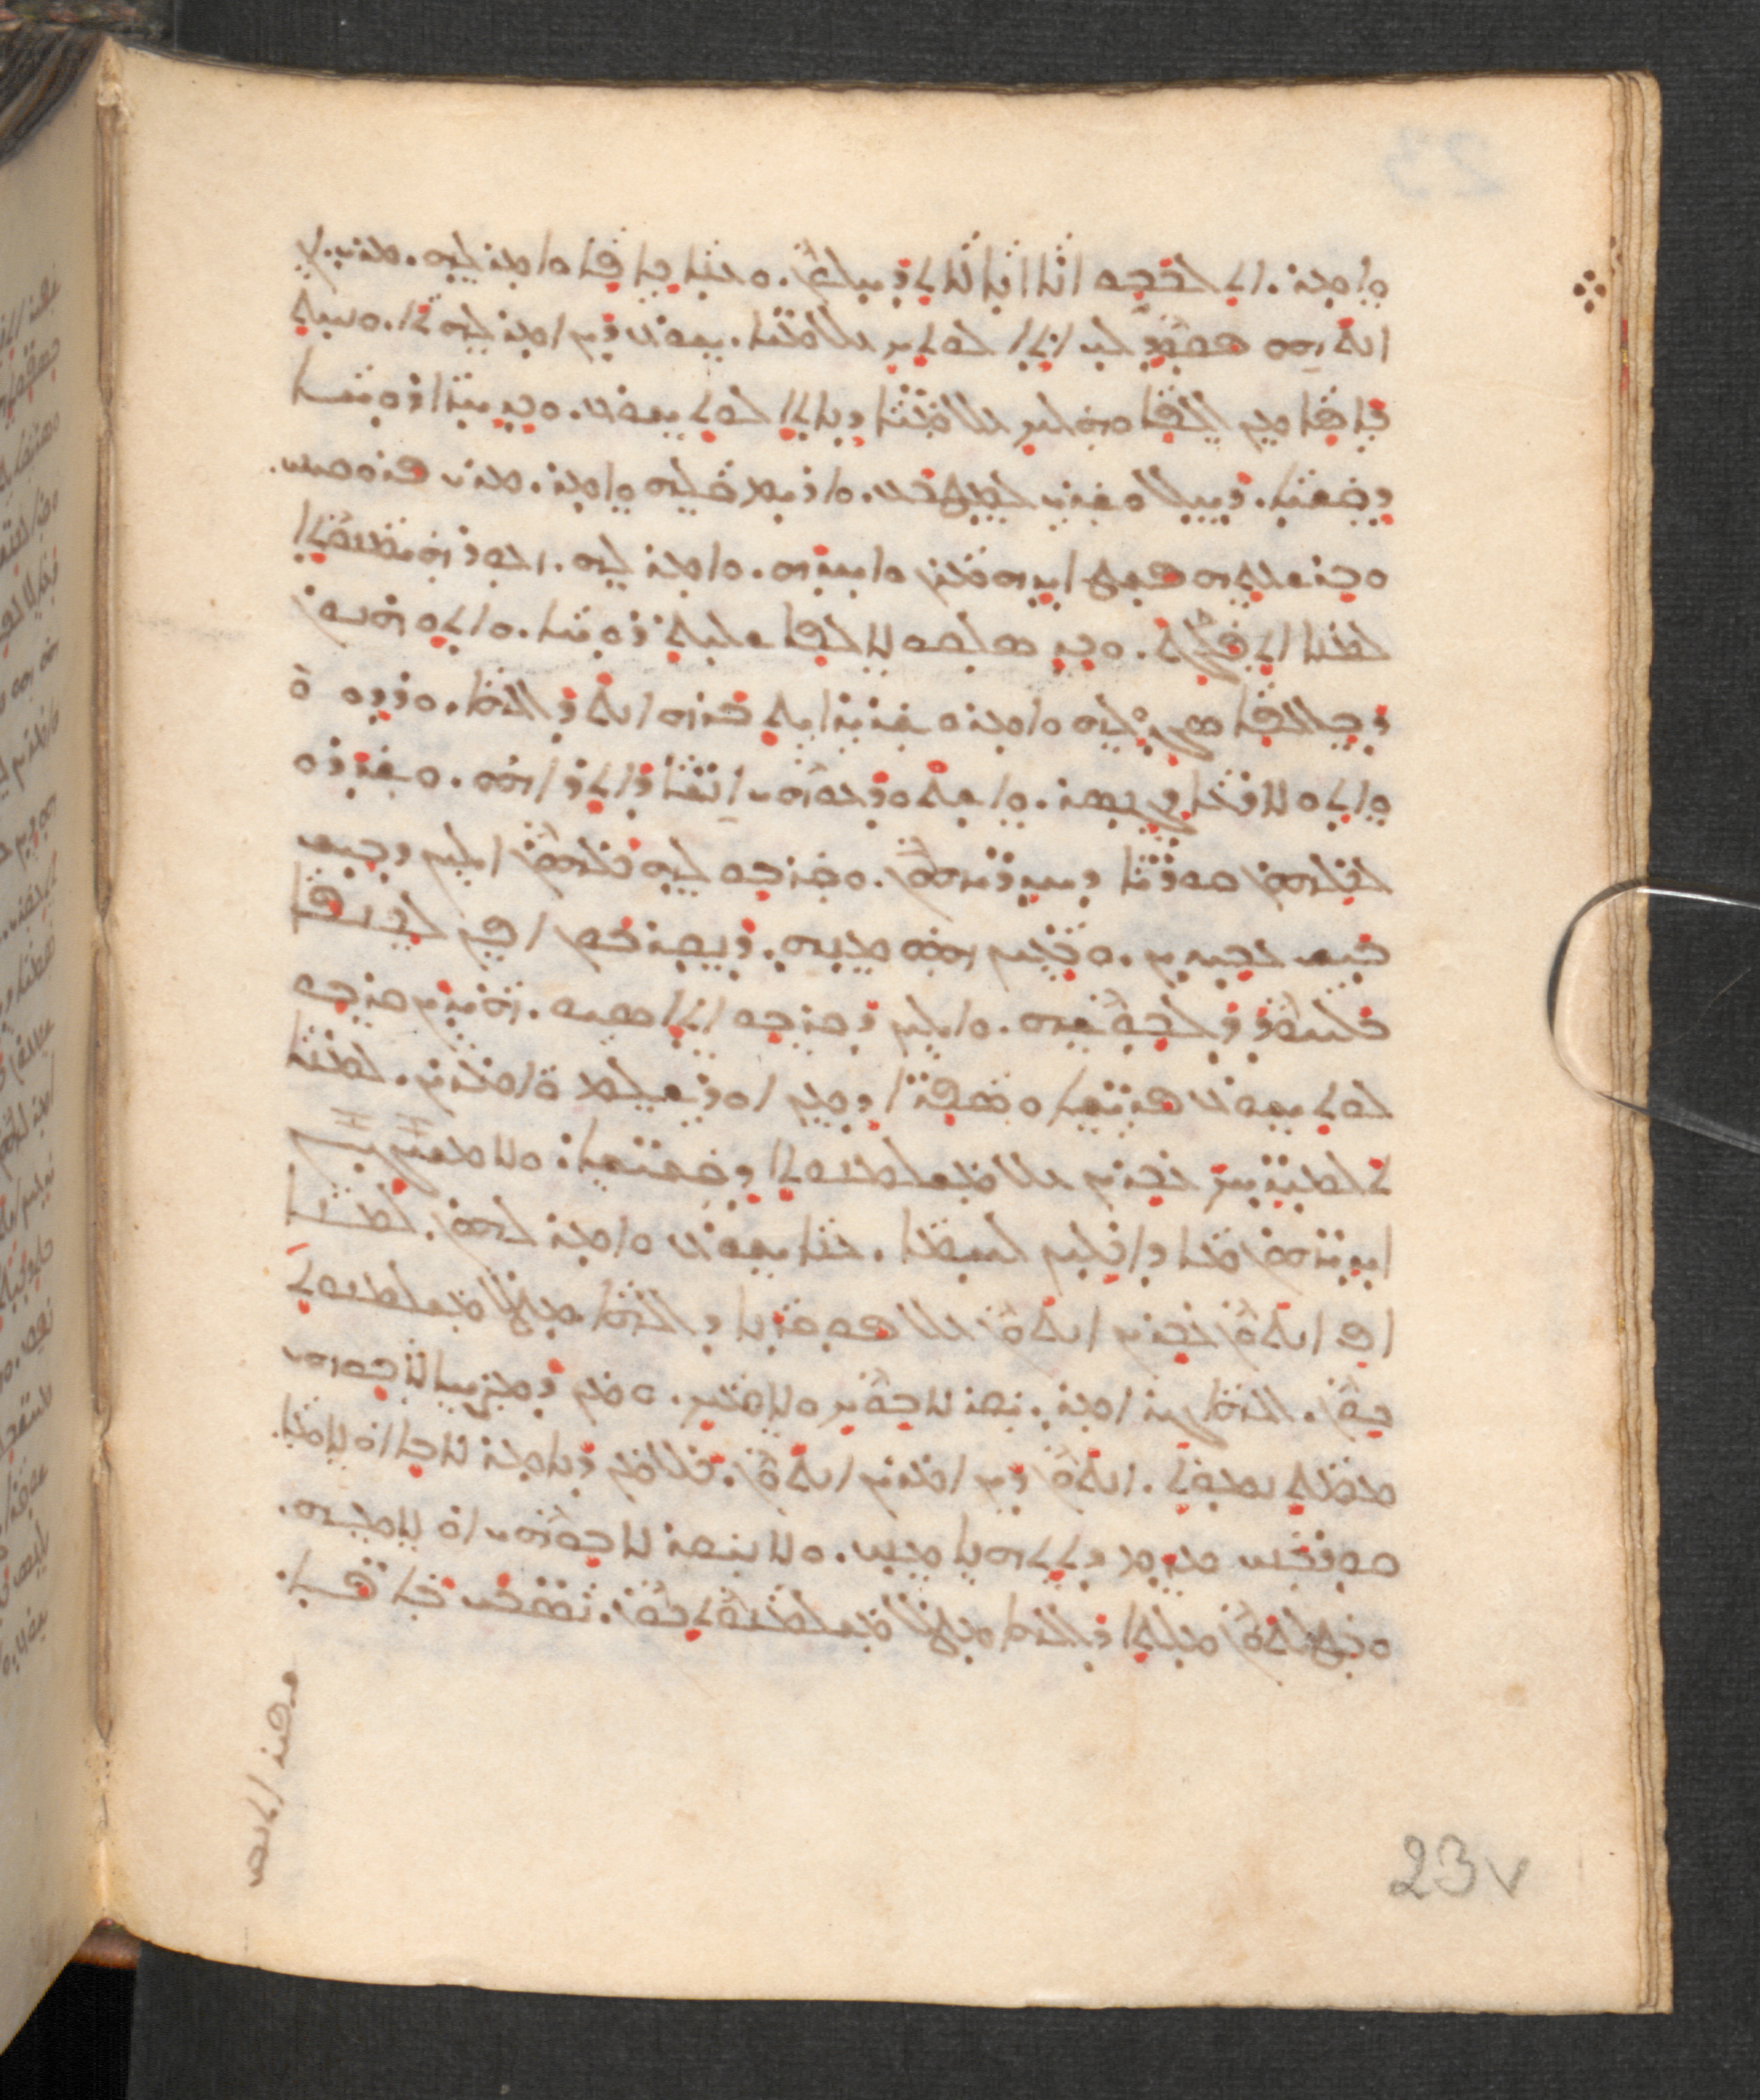ܘܐܡ̣ܪ. ܐܬܠܒܒܘ ܐܢܐ ܐܢܐ ܠܐ ܬܕܚܠܘܢ. ܘܥܢ̣ܐ ܟܐܦܐ ܘܐܡ̣ܪ ܠܗ. ܡܪܝ܆ ܐܢ
ܐܢܬ ܗܘ ܦܩܘܕ ܠܝ ܐܬܐ ܠܘܬܟ ܥܠ ܡ̈ܝܐ. ܝܫܘܥ ܕܝܢ ܐܡ̣ܪ ܠܗ ܬܐ. ܘܢܚ̣ܬ
ܟܐܦܐ ܡܢ ܐܠܦܐ ܘܗܠܟ ܥܠ ܡ̈ܝܐ ܕܢܐܬܐ ܠܘܬ ܝܫܘܥ. ܘܟܕ ܚܙܐ ܪܘܚܐ
ܕܩܫܝܐ. ܕܚ̣ܠ ܘܫܪܝ ܠܡܛܒܥ. ܘܐܪܝܡ ܩܠܗ ܘܐܡ̣ܪ. ܡܪܝ ܦܪܘܩܝܢܝ.
ܘܒܪ ܫܥܬܗ ܦܫ̣ܛ ܐܝܕܗ ܡܪܢ ܕܐܚܕܗ. ܘܐܡ̣ܪ ܠܗ. ܙܥܘܪ ܗܝܡܢܘܬܐ
ܠܡܢܐ ܐܬܦܠܓܬ. ܘܟܕ ܣܠܩܘ ܠܐܠܦܐ ܫܠܝܬ ܪܘܚܐ. ܘܐܬ̣ܘ ܗ̇ܢܘܢ
ܕܒܐܠܦܐ ܣܓܕܘ ܠܗ ܘܐܡ̣ܪܘ ܫܪܝܪܐܝܬ ܒܪܗ ܐܢܬ ܕܐܠܗܐ. ܘܪܕܘ ܏ܘ
ܘܐܬܘ ܠܐܪܥܐ ܕܓܢܣܪ. ܘܐܫܬܘܕܥܘܗܝ ܐܢܫ̈ܐ ܕܐܬܪܐ ܗ̇ܘ. ܘܫܕܪܘ
ܠܟܠܗܘܢ ܩܘܪ̈ܝܐ ܕܚܕܪ̈ܝܗܘܢ. ܘܩܪܒܘ ܠܗ ܟܠܗܘܢ ܐܝܠܝܢ ܕܒܝܫ
ܒܝܫ ܥܒܝܕܝܢ. ܘܒ̇ܥܝܢ ܗܘܘ ܡܢܗ܆ ܕܢܩܪܒܘܢ ܐܦܢ ܠܟܢܦܐ
ܒܠܚܘܕ ܕܠܒܘܫܗ. ܘܐܝܠܝܢ ܕܩܪܒܘ ܐܬܐܣܝܘ. ܗܝܕܝܢ ܩܪܒܘ
ܠܘܬ ܝܫܘܥ ܦܪ̈ܝܫܐ ܘܣܦܪ̈ܐ ܕܡܢ ܐܘܪܫܠܡ ܘܐܡ̇ܪܝܢ. ܠܡܢܐ
ܬܠܡܝܕ̈ܝܟ ܥܒܪܝܢ ܥܠ ܡܫܠܡܢܘܬܐ ܕܩܫܝ̈ܫܐ: ܘܠܐ ܡܫܝܓܝܢ
ܐܝܕܝ̈ܗܘܢ ܡܐ ܕܐܟܠܝܢ ܠܚܡܐ. ܥܢܐ ܝܫܘܥ ܘܐܡ̣ܪ ܠܗܘܢ: ܠܡܢܐ
ܐܦ ܐܢܬܘܢ ܥܒܪܝܢ ܐܢܬܘܢ ܥܠ ܦܘܩܕܢܐ ܕܐܠܗܐ ܡܛܠ ܡܫܠܡܢܘܬ
ܟܘܢ . ܐܠܗܐ ܓܝܪ ܐܡ̣ܪ܆ ܝܩܪ ܠܐ ܒܘܟ ܘܠܐܡܟ. ܘܡ̇ܢ ܕܡܨܚܐ ܠܐܒܘܗܝ
ܡܡܬ ܢܡܘܬ. ܐܢܬܘܢ ܕܝܢ ܐܡ̇ܪܝܢ ܐܢܬܘܢ܆ ܟܠ ܡ̇ܢ ܪܢܐܡ̣ܪ ܠܐܒܐ ܐܘ ܠܐܡܐ
ܩܘܪܒܢܝ ܡܕܡ ܕܬܬܗܢܐ ܡܢܝ. ܘܠܐ ܢܝܩܪ ܠܐܒܘܗܝ ܐܘ̇ ܠܐܡܗ.
ܘܒܛܠܬܘܢ ܡܠܬܐ ܕܐܠܗܐ ܡܛܠ ܡܫܠܡܢܘܬܟܘܢ: ܢܣ̈ܒܝ ܒܐܦ̈ܐ܆
܀
ܫܦܝܪ ܐܬܢܒܝ
23v